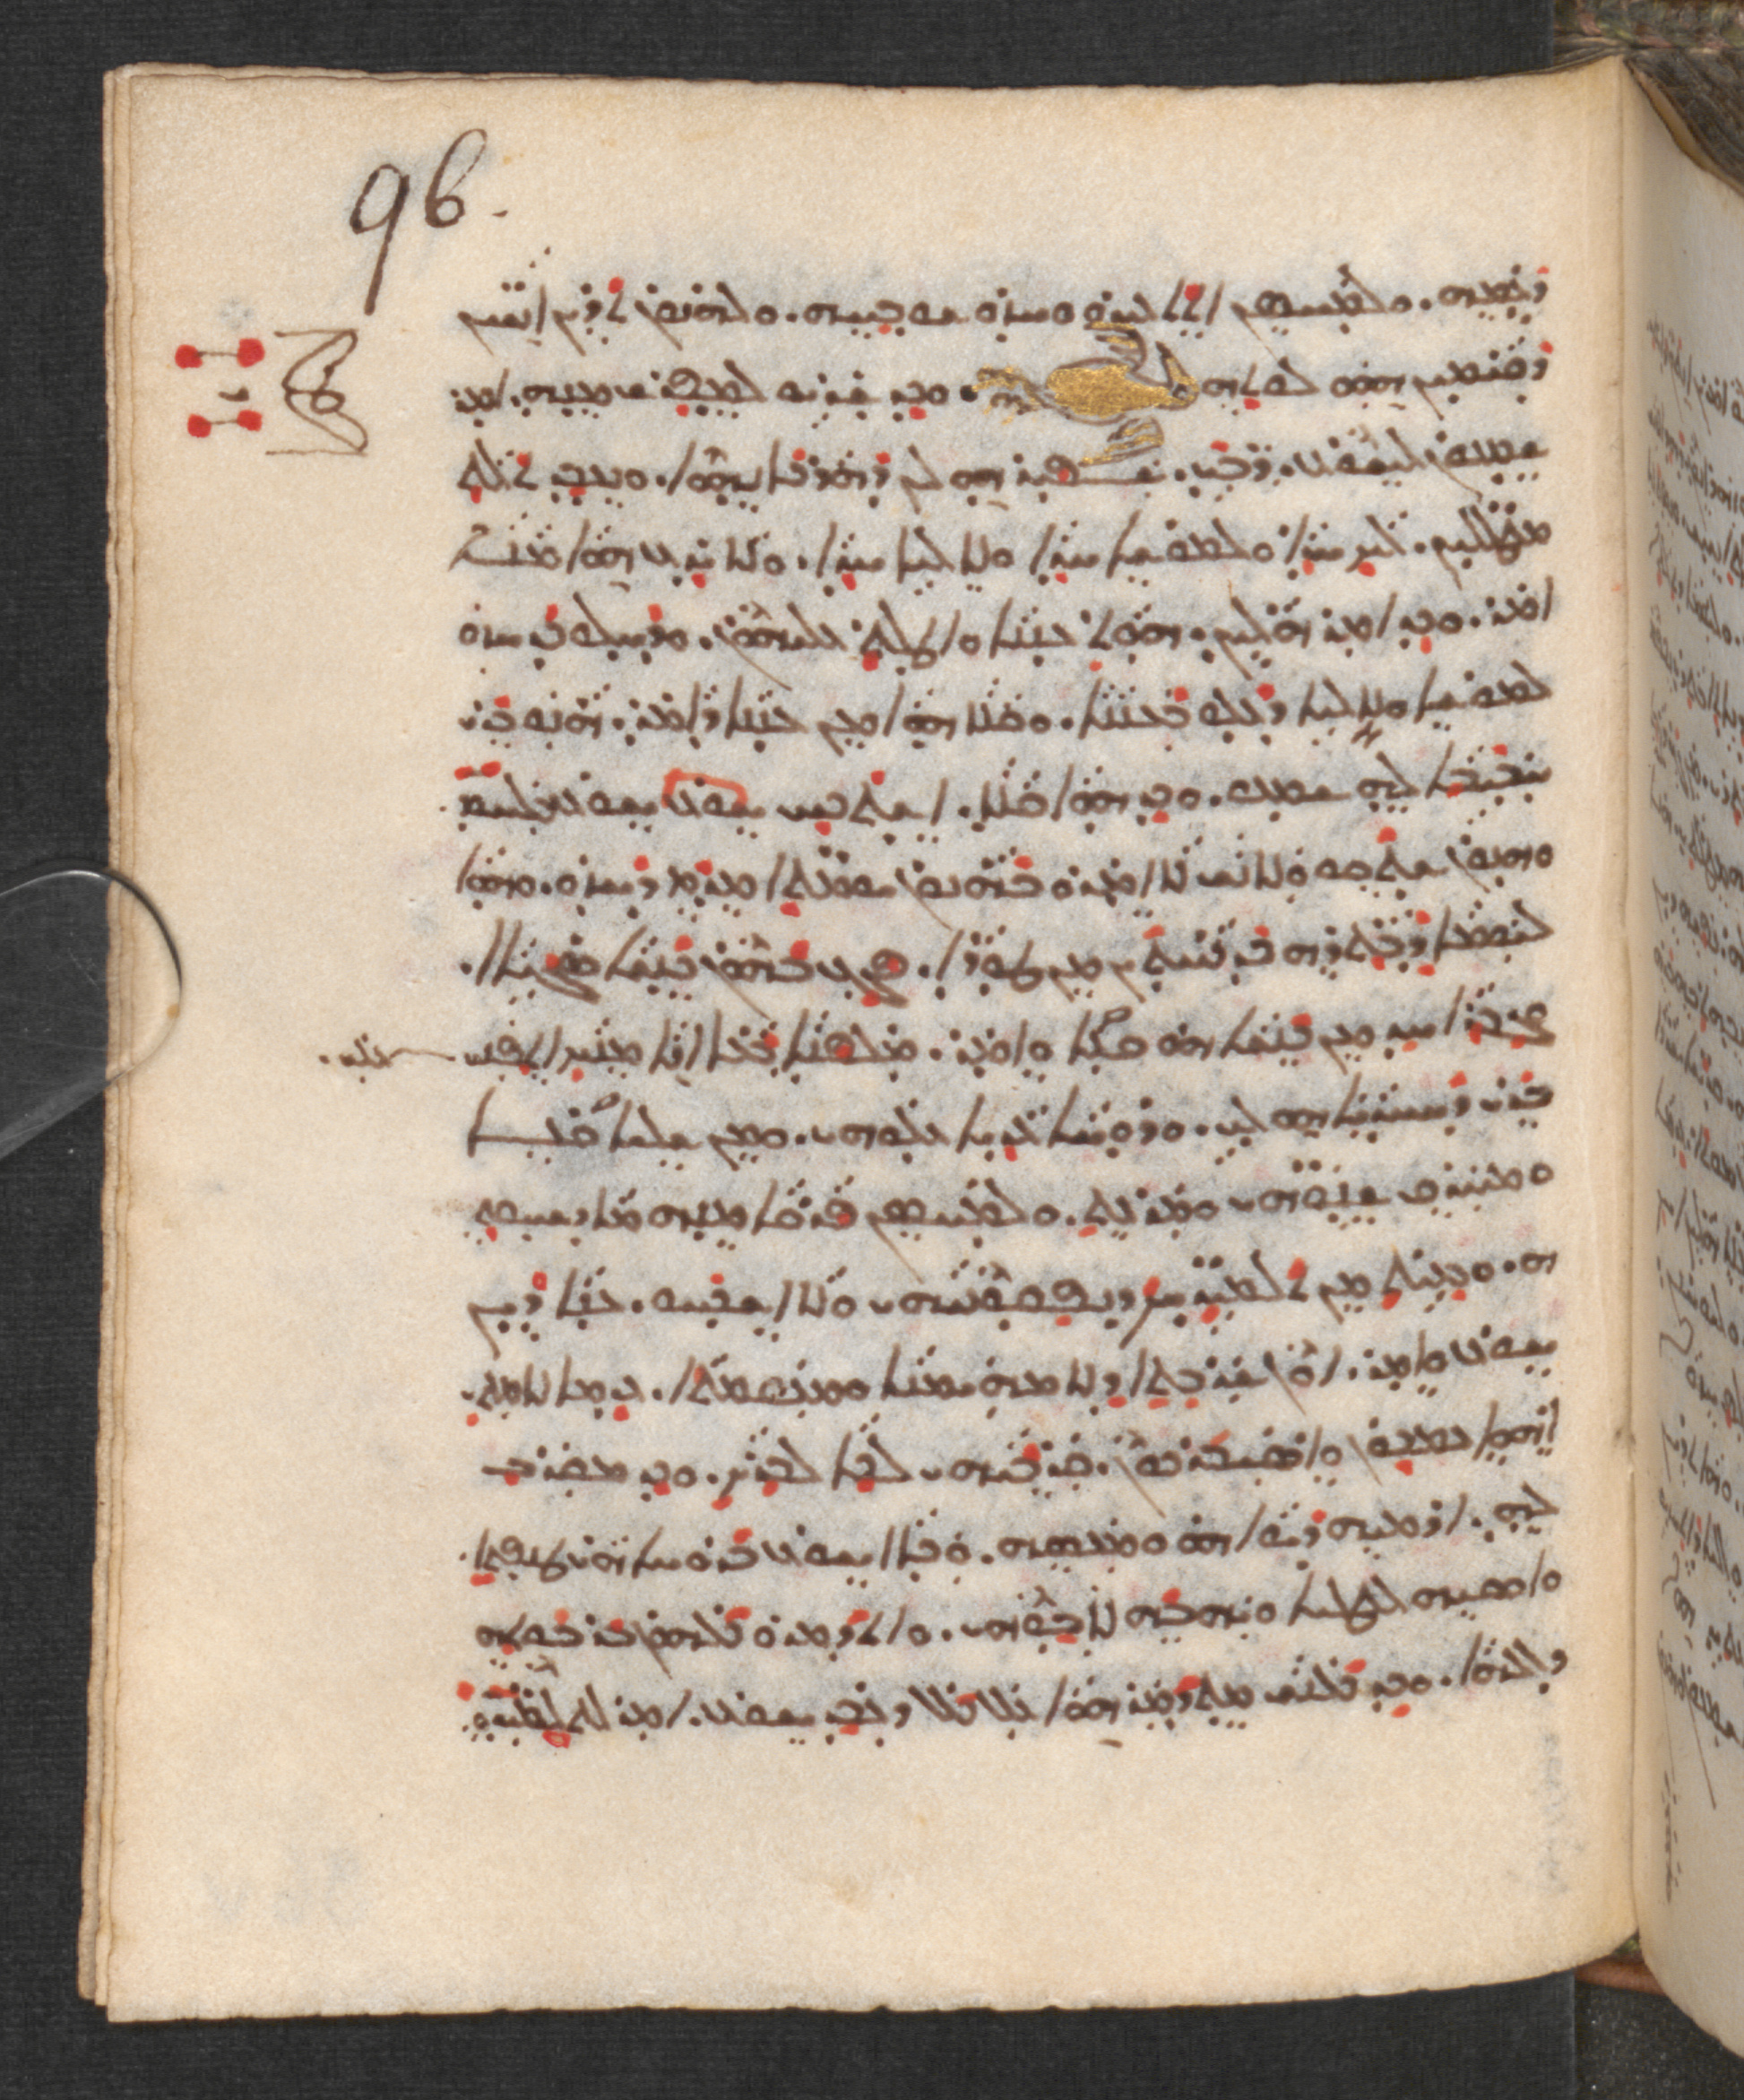ܕܥܡܗ. ܘܠܡܚܣܢ ܐܬܬܥܝܪܘ ܘܚܙܘ ܫܘܒܚܗ. ܘܠܗܢܘܢ ܬܪܝܢ ܐܢܫܝ̈ܢ
ܕܩܝܡܝܢ ܗܘܘ ܠܘܬܗ ܀܀ ܘܟܕ ܫܪܝܘ ܠܡܦܪܫ ܡܢܗ܆ ܐܡ̣ܪ
ܫܡܥܘܢ ܠܝܫܘܥ. ܪܒܝ܆ ܫܦܝܪ ܗܘ ܠܢ ܕܗܪܟܐ ܢܗܘܐ. ܘܢܥܒܕ ܬܠܬ
ܡܛ̈ܠܝܢ. ܠܟ ܚܕܐ ܘܠܡܘܫܐ ܚܕܐ ܘܠܐܠܝܐ ܚܕܐ. ܘܠܐ ܝ̇ܕܥ ܗܘܐ ܡܢܐ
ܐܡ̇ܪ. ܘܟܕ ܐܡ̣ܪ ܗܠܝܢ܆ ܗܘܬ ܥܢܢܐ ܘܐܛܠ̣ܬ ܥܠܝܗܘܢ. ܘܕܚܠ̣ܘ ܟܕ ܚܙ̣ܗ
ܠܡܘܫܐ ܘܠܐܠܝܐ ܕܥܠܘ ܒܥܢܢܐ. ܘܩܠܐ ܗܘܐ ܡ̣ܢ ܥܢܢܐ ܕܐܡ̇ܪ܆ ܗܢܘ ܒܪܝ
ܚܒܝܒܐ ܠܗ ܫܡܥ̣ܘ. ܘܟܕ ܗܘܐ ܩܠܐ. ܐܫ̣ܬܟܚ ܝܫܘܥ ܝܫܘܥ ܒܠܚܘ܏ܕ
ܘܗܢܘܢ ܫܬܩܘ ܘܠܐܢܫ ܠܐ ܐܡܪܘ ܒܗܢܘܢ ܝܘ̈ܡܬܐ ܡܕܡ ܕܚܙܘ. ܘܗܘܐ
ܠܝܘܡܐ ܕܒܬܪܗ ܟܕ ܢܚܬܝܢ ܡ̣ܢ ܛܘܪܐ܆ ܦܓ̣ܥ ܒܗܘܢ ܟܢܫܐ ܣܓܝܐܐ.
ܘܓܒܪܐ ܚܕ ܡ̣ܢ ܟܢܫܐ ܗ̇ܘ ܩܥܐ ܘܐܡ̣ܪ. ܡܠܦܢܐ ܒܥ̇ܐ ܐܢܐ ܡܢܟ ܐܬܦܢܝ
ܒܪܝ ܕܝܚܝܚܕܝܐ ܗܘ ܠܝ. ܘܪܘܚܐ ܥܕܝܐ ܥܠܘܗܝ. ܘܡ̣ܢ ܫܠܝܐ ܩ̇ܢܐ
ܘܡܚܪܩ ܫܢܘ̈ܗܝ ܘܡܪܥܬ. ܘܠܡܚܣܢ ܦܪܩܐ ܡܢܗ ܡܐ ܕܫܚܩܬ
ܗ. ܘܒܥܝܬ ܡ̣ܢ ܬܠܡܝ̈ܕܝܟ ܕܢܦܩܘܢܝܗܝ ܘܠܐ ܐܫܟ̣ܚܘ. ܥܢ̣ܐ ܕܝܢ
ܝܫܘܥ ܘܐܡ̣ܪ. ܐܘܢ ܫܪܒܬܐ ܕܠܐ ܡܗܝܡܢܐ ܘܡܥܩܡܬܐ. ܟܕܡܐ ܠܐܡܬܝ
ܐܗܘܐ ܥܡܟܘܢ ܘܐܣܝܒܪܟܘܢ. ܩܪܒܝܗܝ ܠܟܐ ܠܒܪܟ. ܘܟܕ ܡܩܪܒ
ܠܗ܆ ܐܪܡܝܗ ܕܝܘܐ ܗܘ ܘܡܥܣܗ. ܘܟܐܐ ܝܫܘܥ ܒܪܘܚܐ ܗܝ ܛܢܦ̣ܬܐ.
ܘܐܣܝܗ ܠܛܠܝܐ ܘܝܗܒܗ ܠܐܒܘܗܝ. ܘܐܬܕܡܪܘ ܟܠܗܘܢ ܒܪܒܘܬܗ
ܕܐܠܗܐ. ܘܟܕ ܟܠܢܫ ܡܬܕܡܪ ܗܘܐ ܥܠ ܟܠ ܕܥ̇ܒܕ ܝܫܘܥ. ܐܡ̣ܪ ܠܬ܏ܠܡܝ̈ܕܘ
96
܏ܝ
ܥܠܝ.